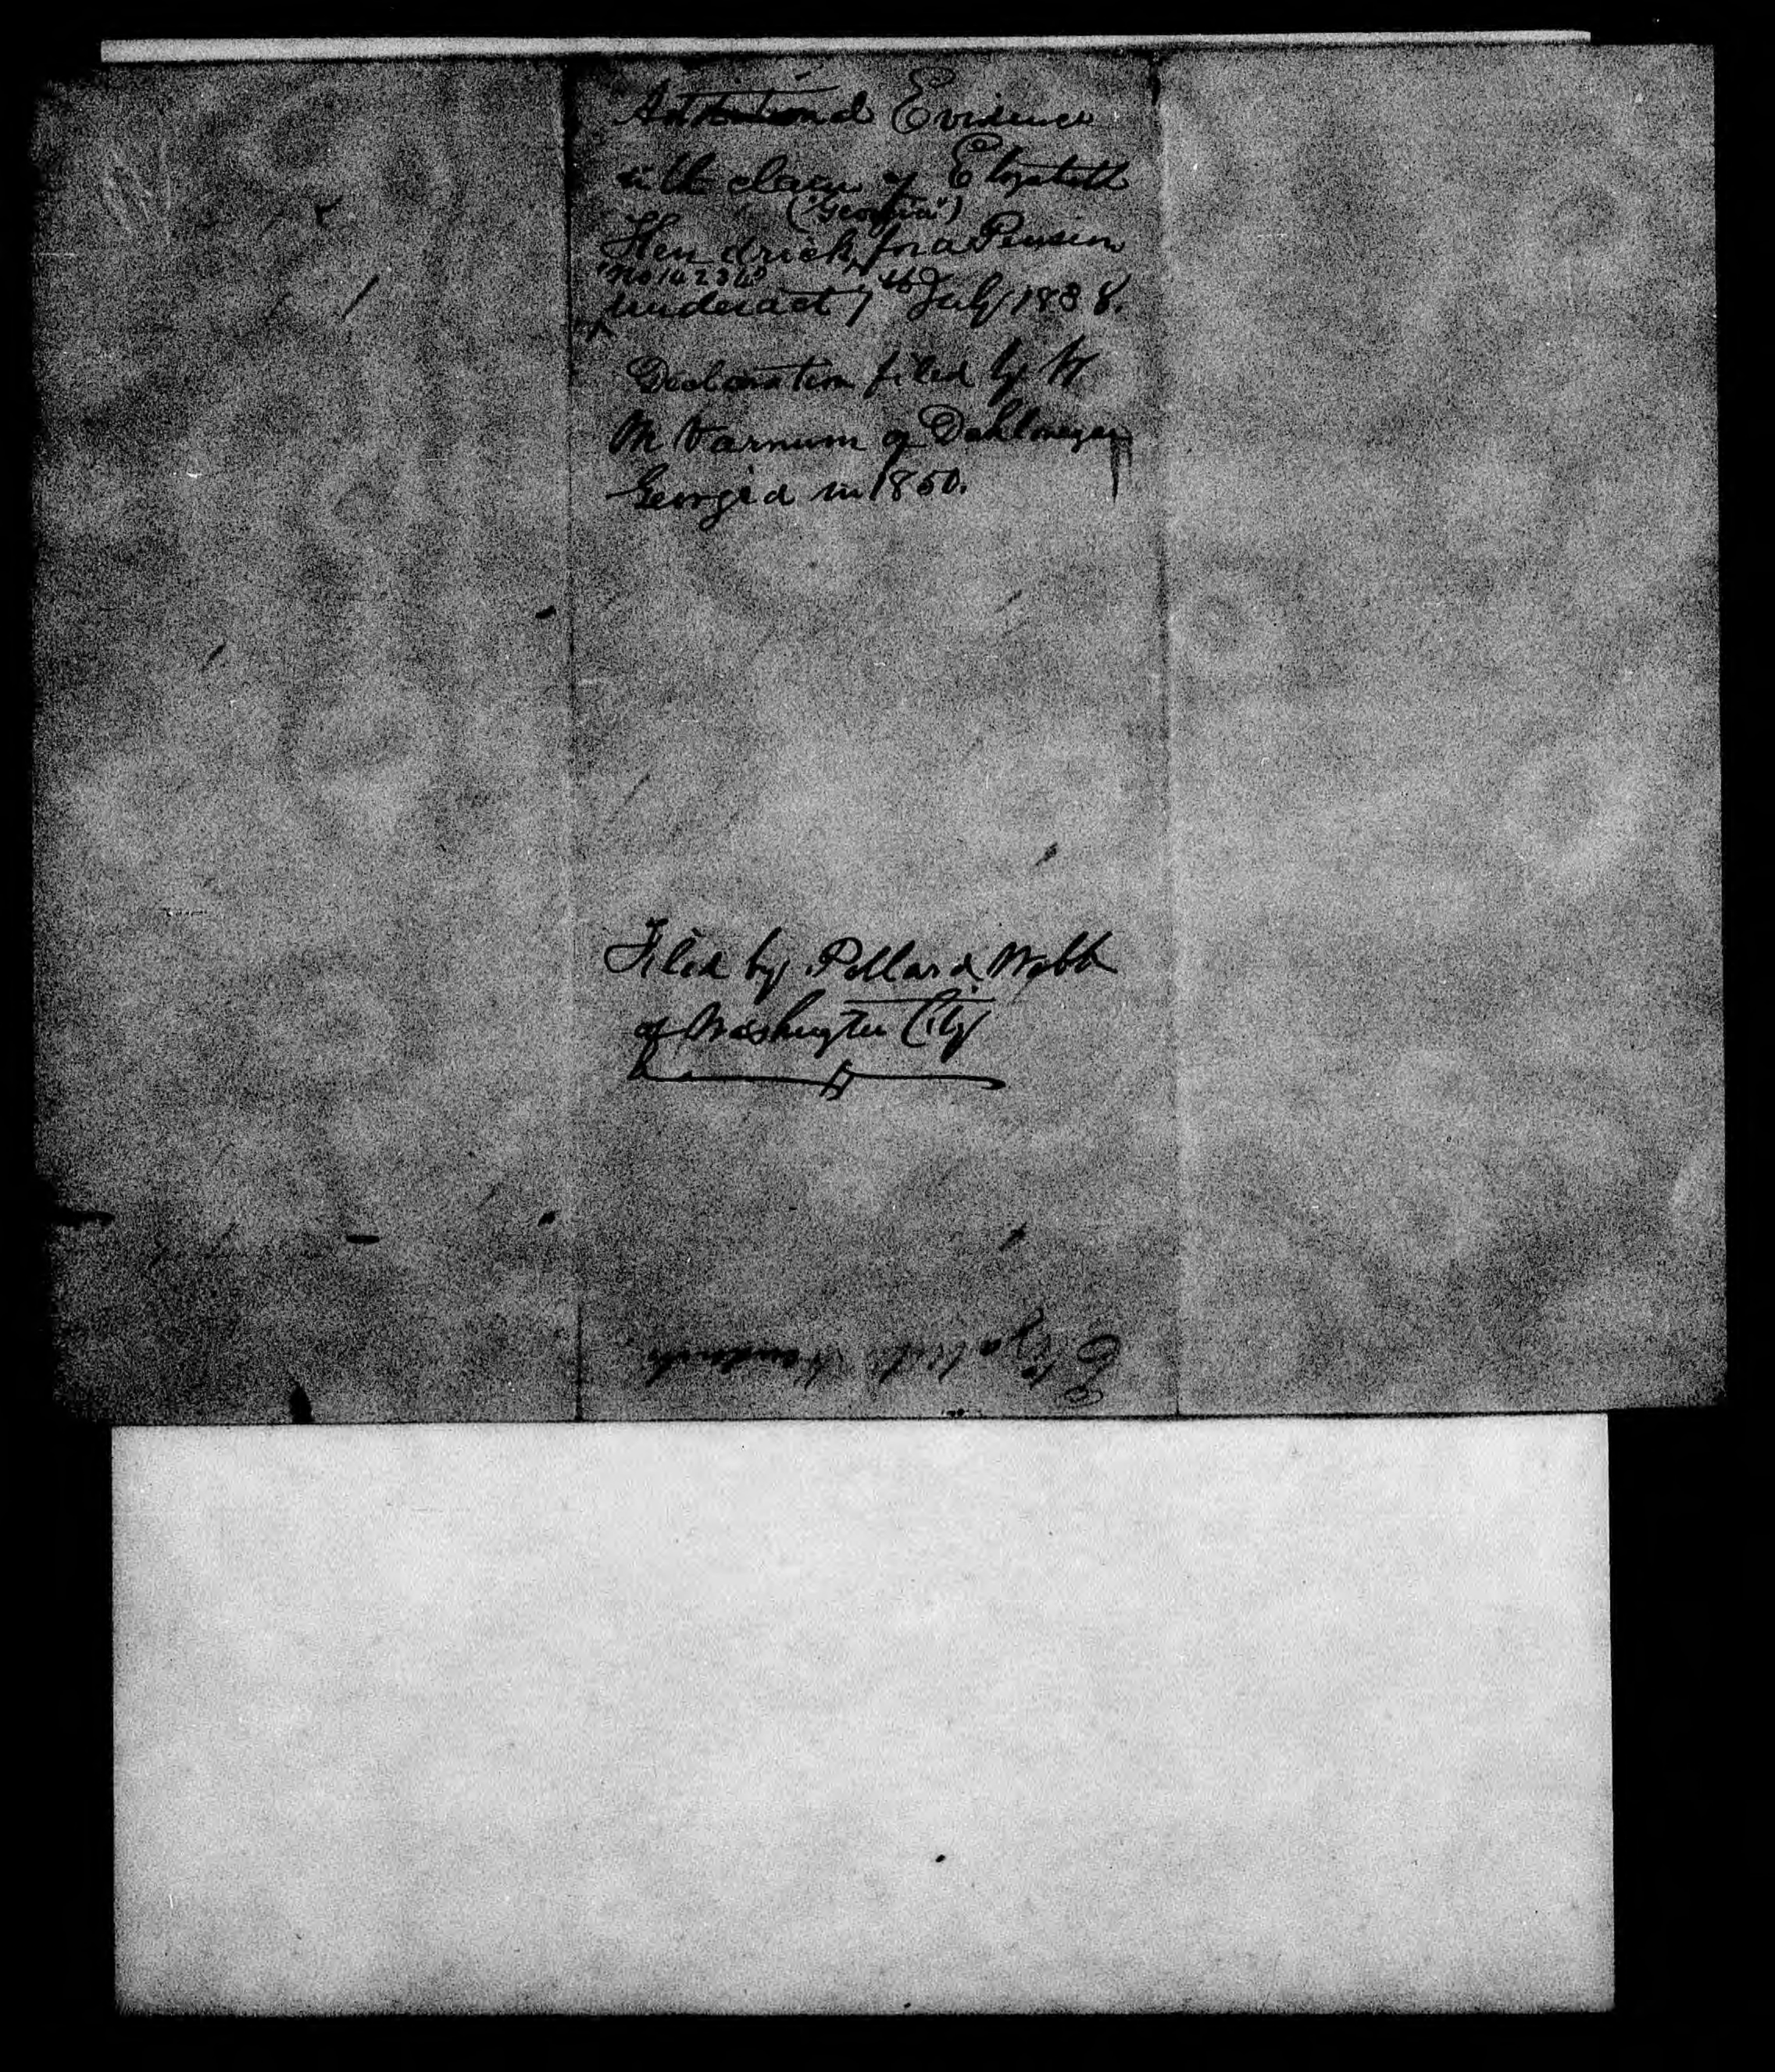Additional Evidence
in the claim of Elizabeth
("Georgia")
Kendrick for a Pension
No 14234
under act 7th July 1838.
Declaration filed by W
M Varnum of Dahlonega 
Georgia in 1850.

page: 10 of 29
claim: rejected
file: R. 5862, for Isham Kendrick, North Carolina